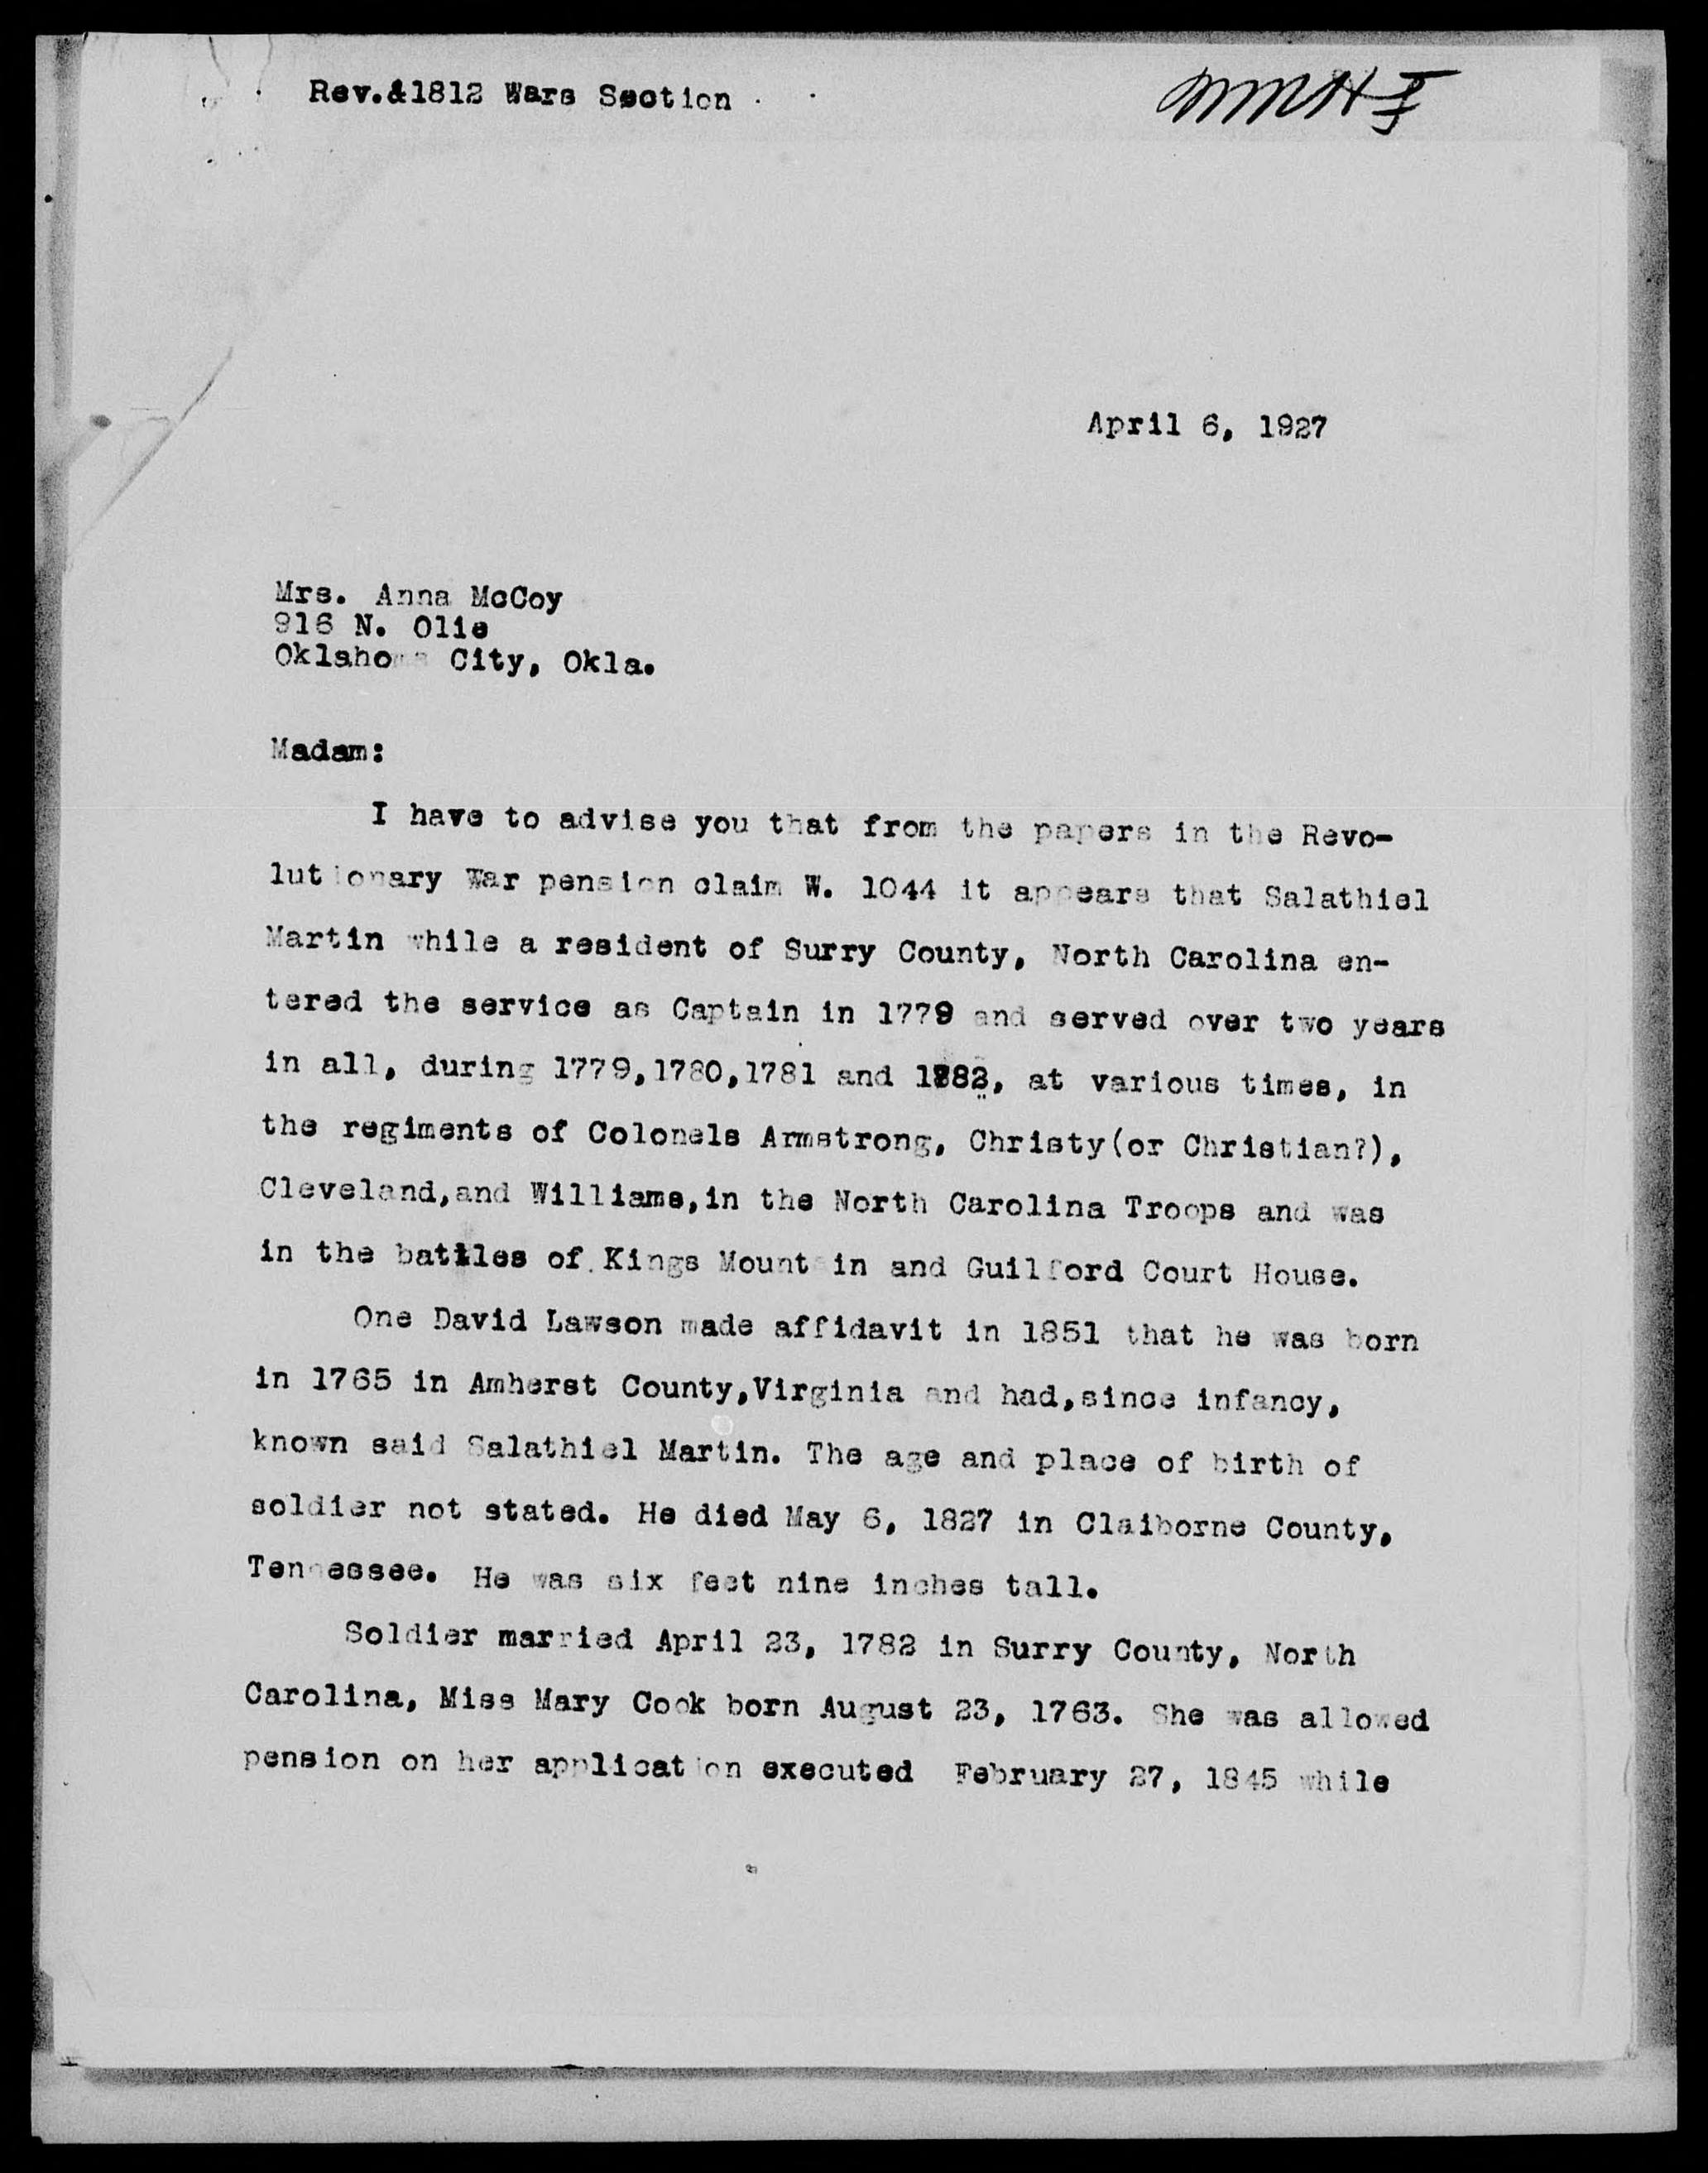Rev.&1812 Wars Section   
MMHF

April 6, 1927 

Mrs. Anna McCoy 
916 N. Olie 
Oklahoma City, Okla. 

Madam: 
I have to advise you that from the papers in the Revo-
lutionary War pension claim W. 1044 it appears that Salathiel 
Martin while a resident of Surry County, North Carolina en-
tered the service as Captain in 1779 and served over two years
in all, during 1779, 1780, 1781 and 1782, at various times, in 
the regiments of Colonels Armstrong, Christy (or Christian?),
Cleveland, and Williams, in the North Carolina Troops and was 
in the battles of Kings Mountain and Guilford Court House. 
One David Lawson made affidavit in 1851 that he was born 
in 1765 in Amherst County, Virginia and had, since infancy, 
known said Salathiel Martin. The age and place of birth of 
soldier not stated. He died May 6, 1827 in Claiborne County, 
Tennessee. He was six feet nine inches tall. 
Soldier married April 23, 1782 in Surry County, North 
Carolina, Miss Mary Cook born August 23, 1763. She was allowed 
pension on her application executed February 27, 1845 while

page: 27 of 120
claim: widow's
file: W. 1044, for Salathiel Martin, North Carolina